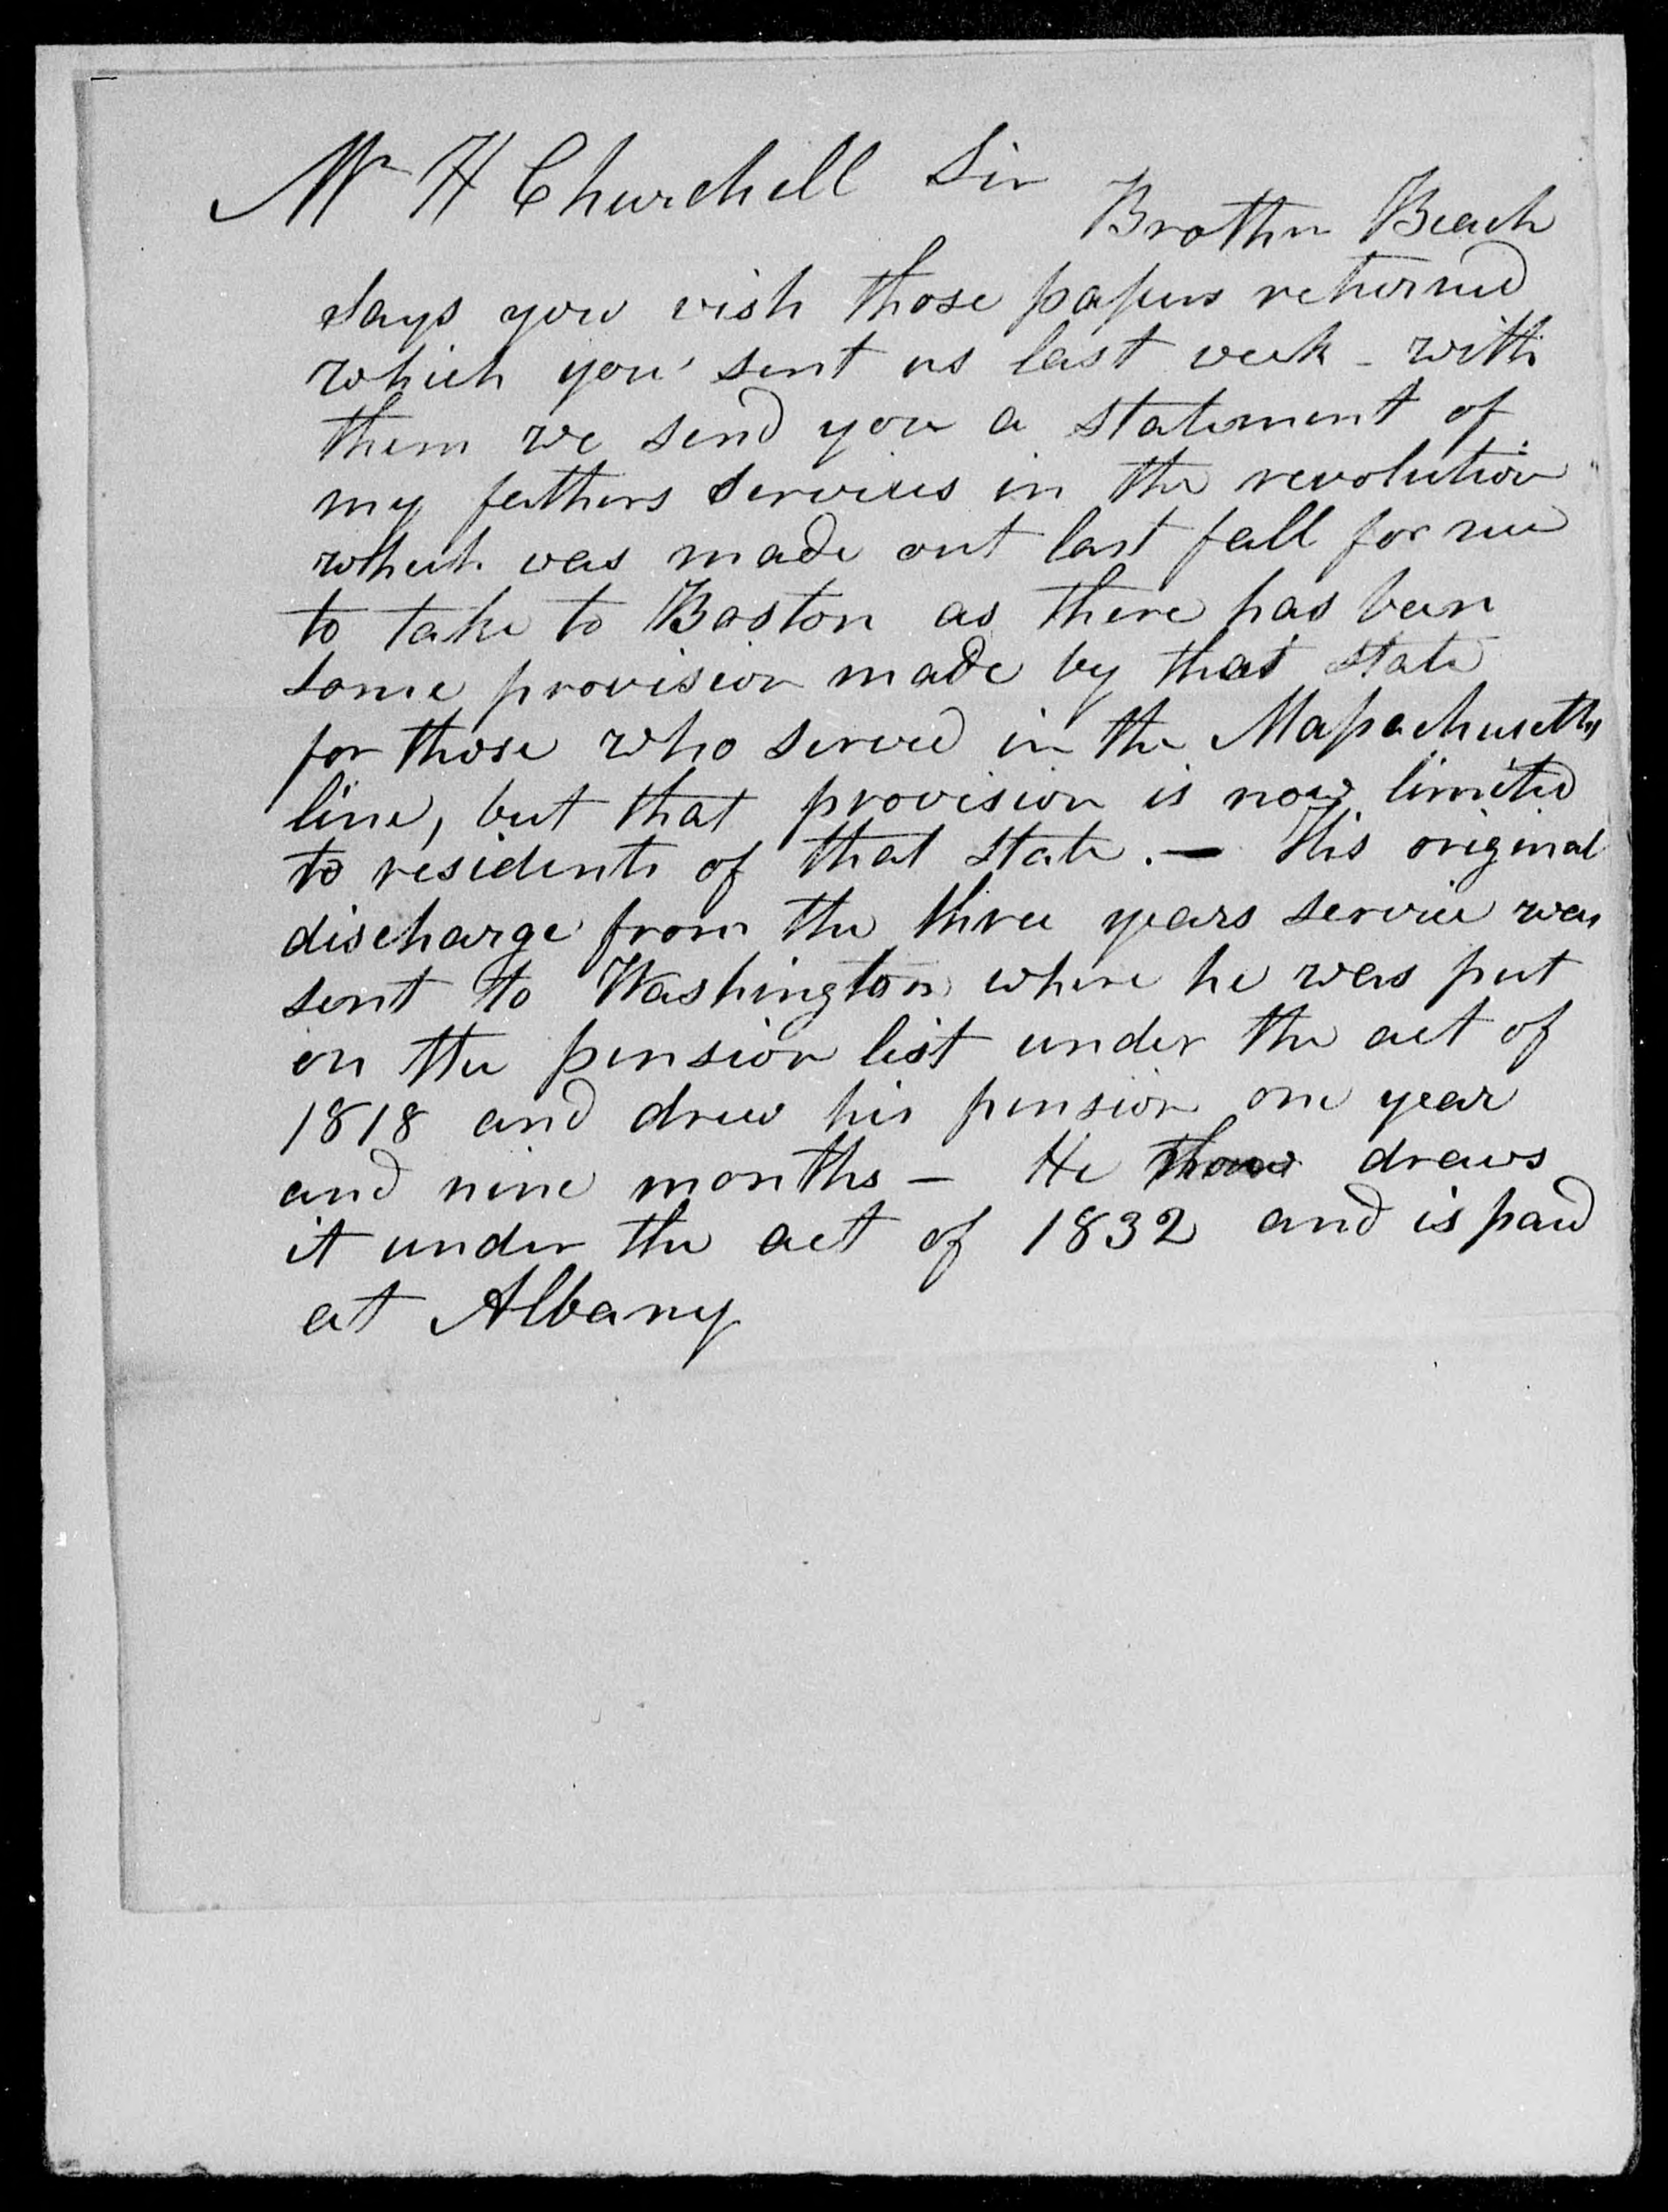[handwritten]
W H Churchill
Sir
Brothn Beach Says you wish those papers returned which you ' sent us last week - with them we send you a statement of my fathers Services in the revolution which was made out last fall for us to take to Boston as there had been some provision made by that state for those who served in the Massachusetts line, but that provision is now limited to residents of that state.  - This original discharge from the three years service was sent to Washington where he was put on the pension list under the act of 1818 and drew his pension one year and nine months - He [illegible] draws it under the act of 1832 and is paid at Albany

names: Brothn Beach, H Churchill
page: 38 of 55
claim: widow's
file: W. 19503, Samuel Giles, Conti. Mass. New York